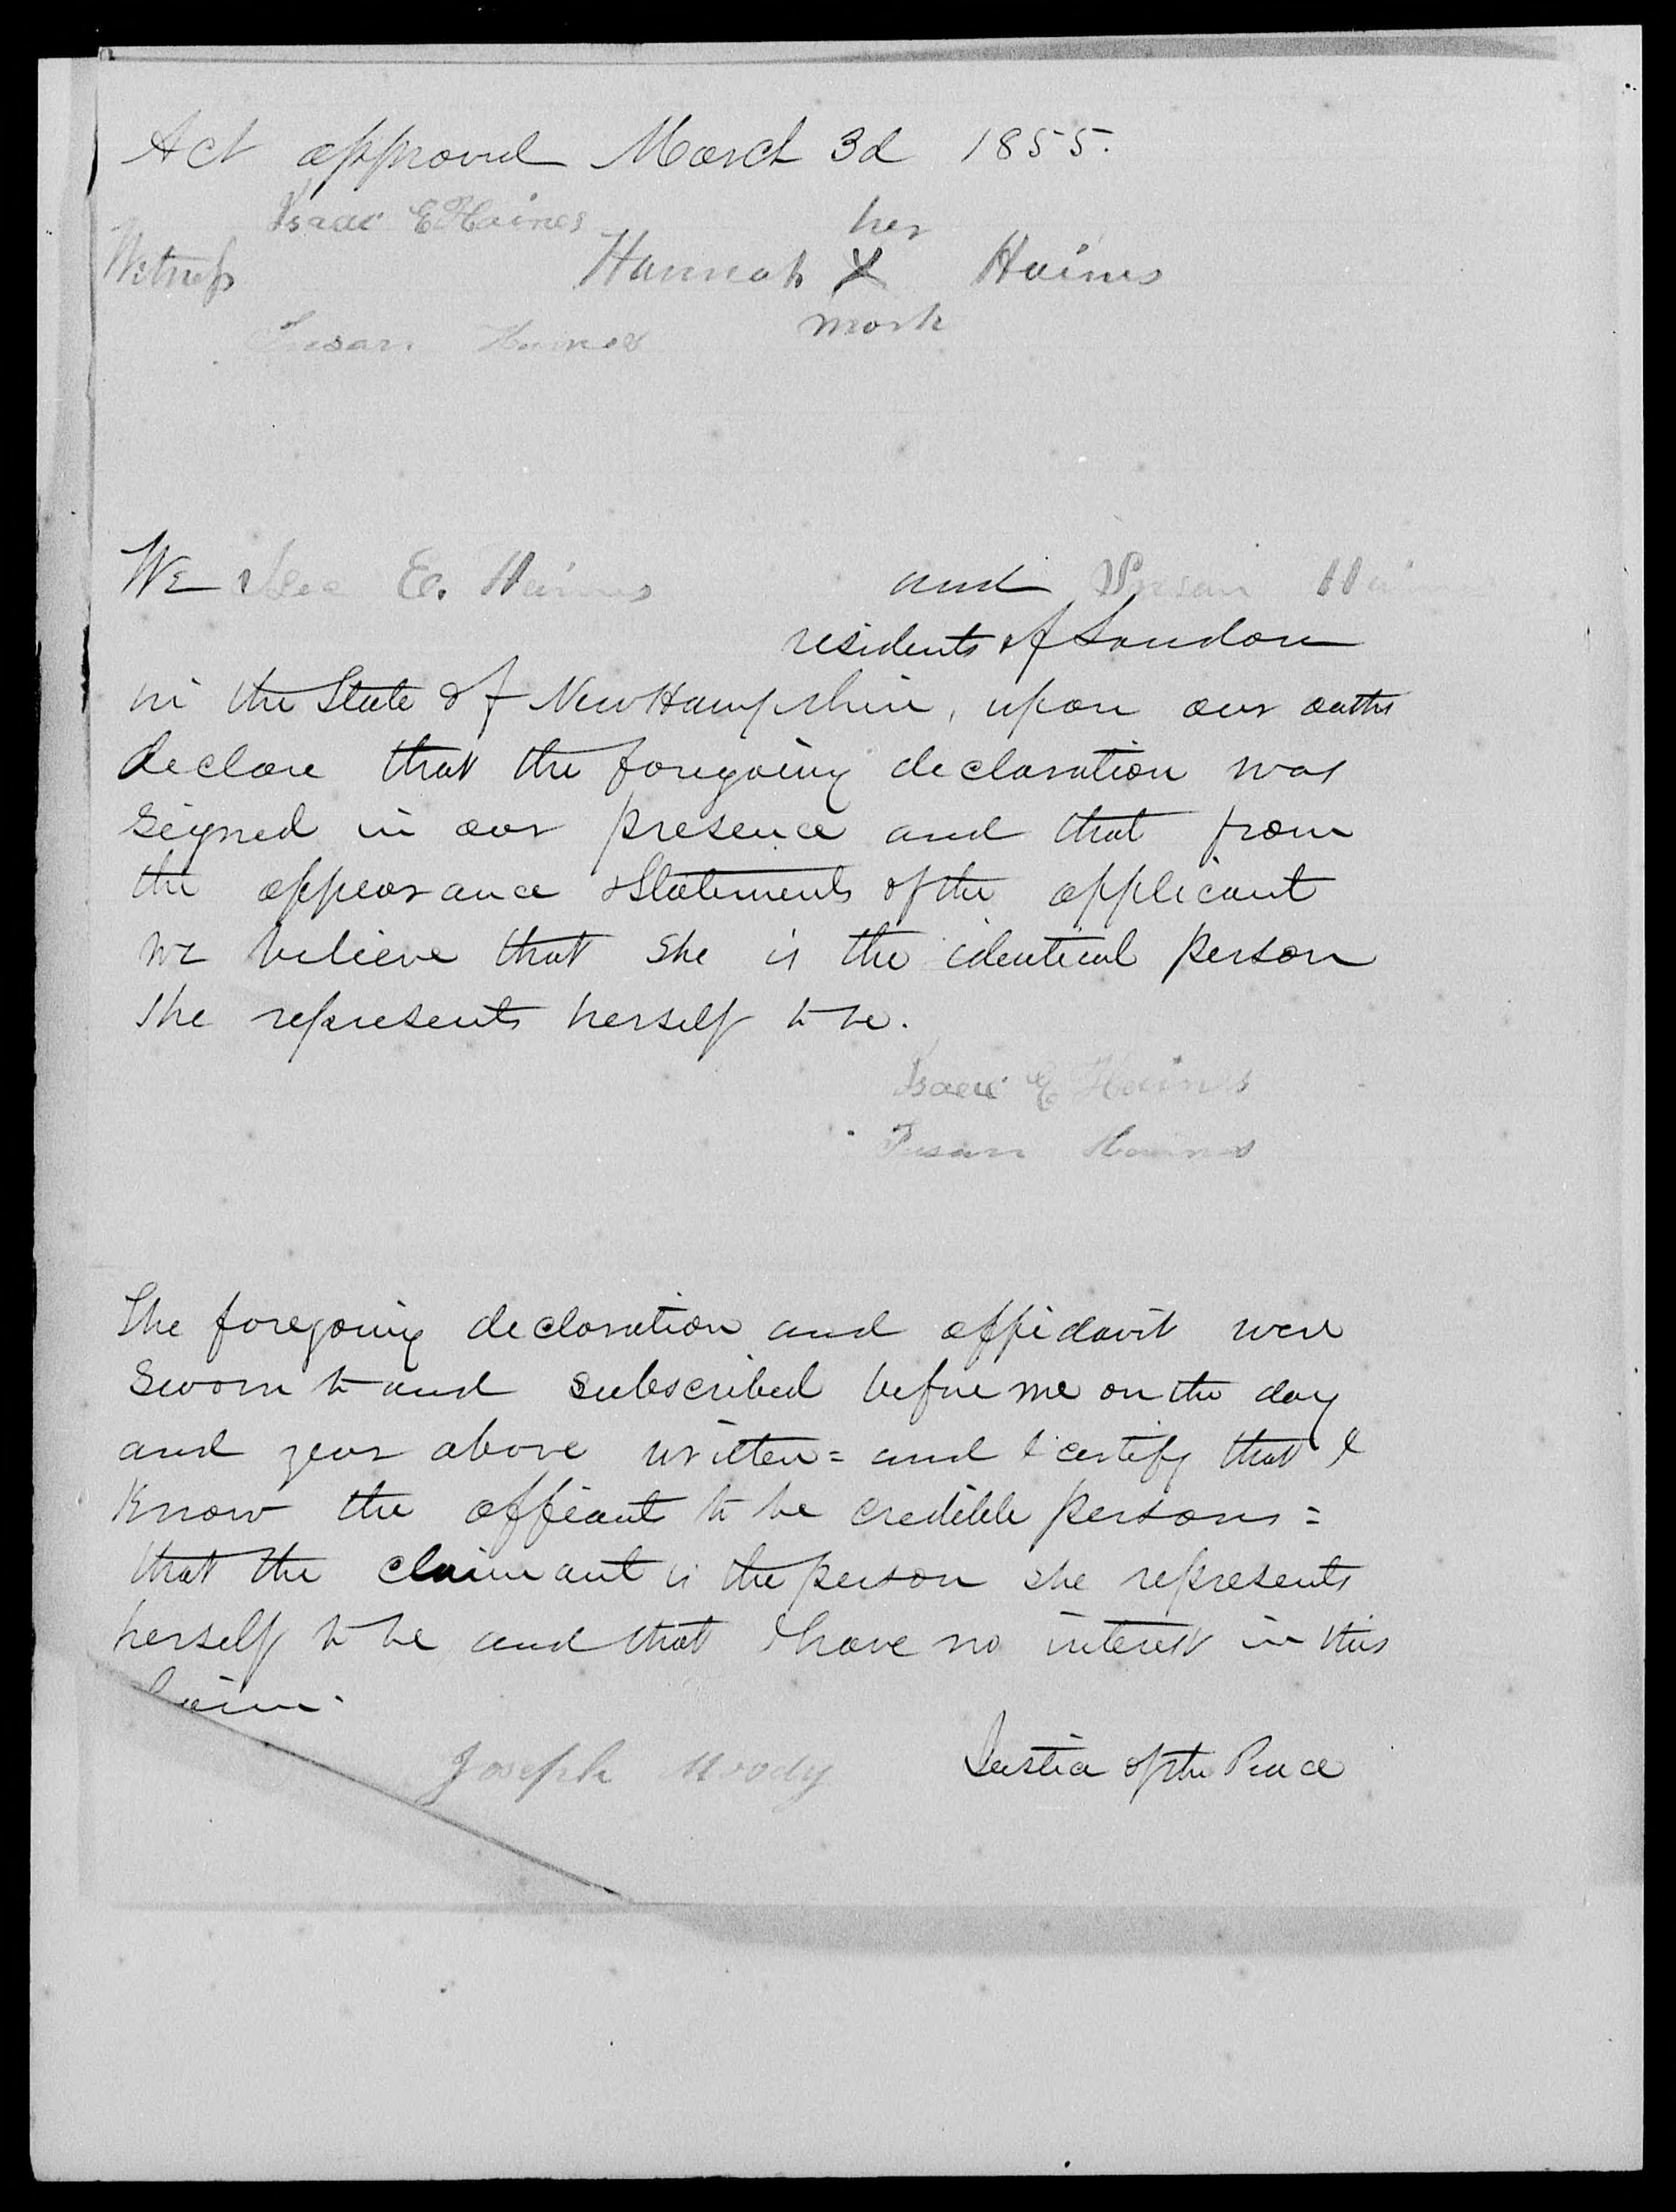We Isaac E. Haines and Susan Haines residents of Loudon in the State of New Hampshire, upon our oaths declare that the foregoing declaration was signed in our presence and that from the appearance & Statements of the applicant we believe that she is the identical person she represents herself to be. 

      Isaac E Haines
      Susan Haines 


The foregoing declaration and affidavit was sworn to and subscribed before me on the day and year above written and I certify that I know the offiants to be credible persons; that the claimant is the person she represents herself to be and that I have no interest in this [c]laim.

     Joseph Moody    Justice of the Peace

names: Isaac E Haines, Joseph Moody, Isac E Haines, Susan Haines, Susan Haines, Isaac E Haines, Susan Haines, Hannah Haines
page: 12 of 57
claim: widow's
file: W. 23217, Thomas Haines, N H